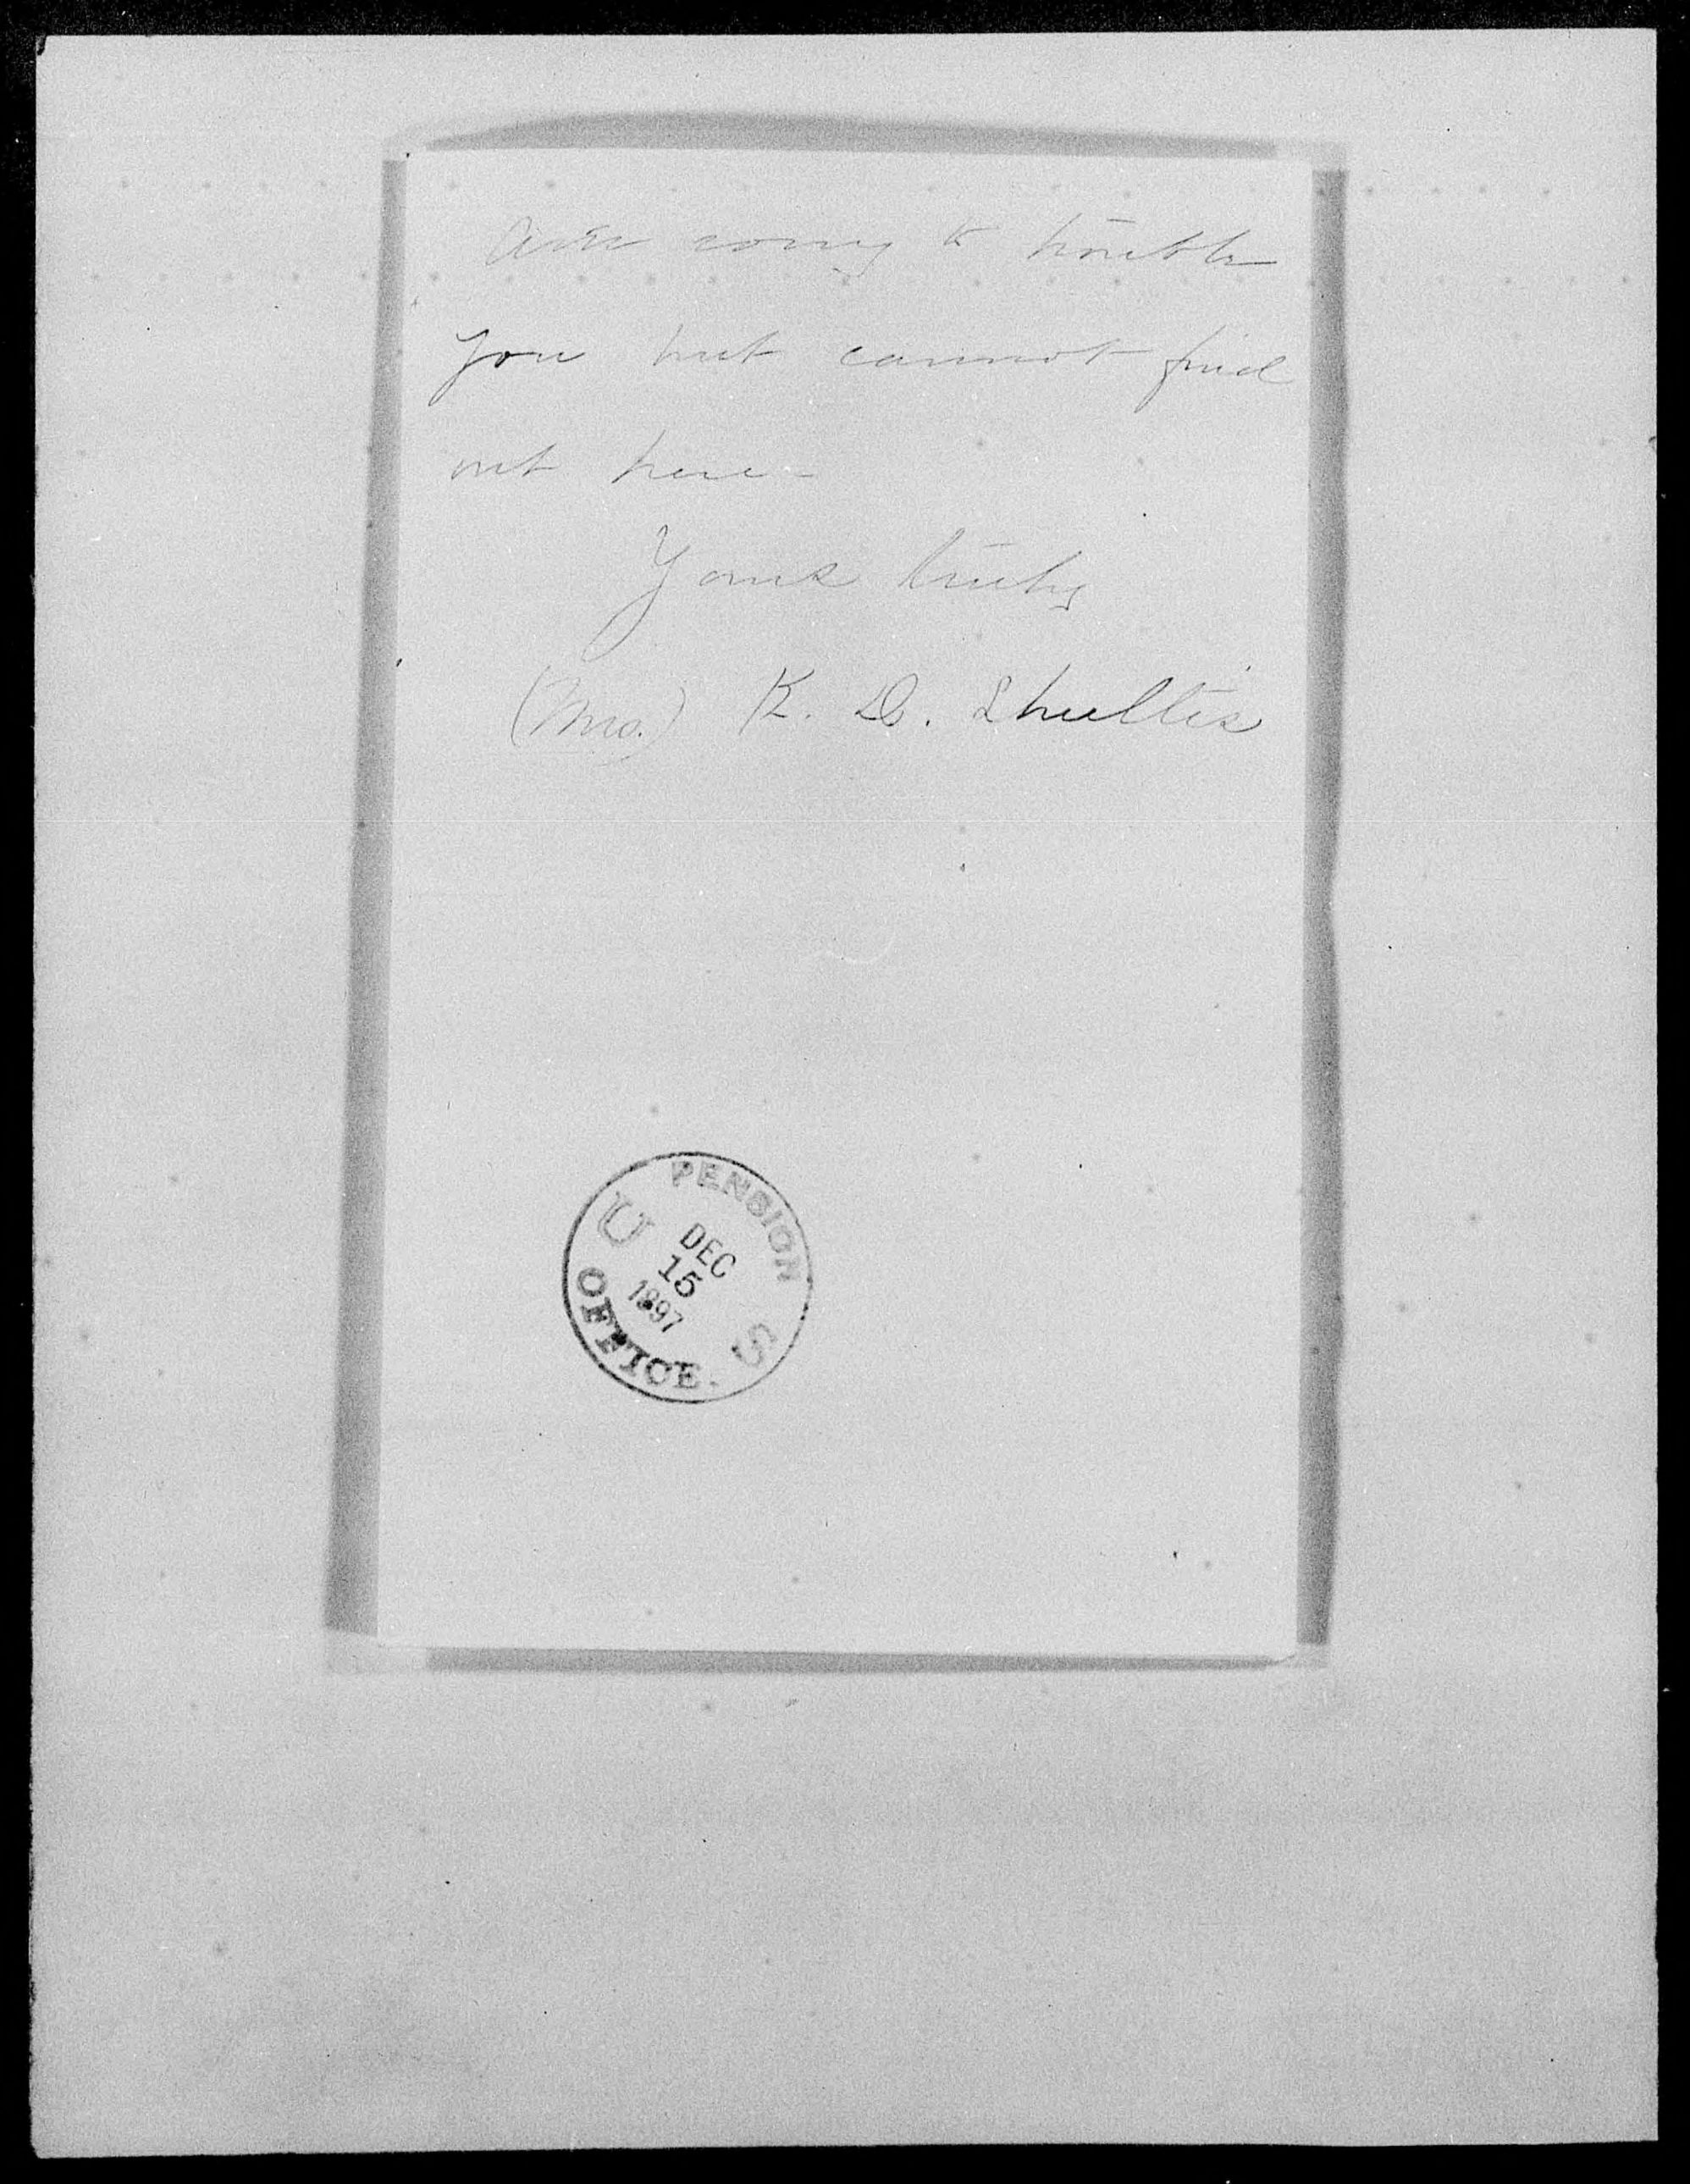and carry and birth you but cannot out there Yours truly Mrs. K. D. Shullis
[postmark PENSION OFFICE DEC 15 1897]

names: K D Shultis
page: 31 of 67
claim: widow's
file: W. 23183, Jesse Hardy, Mass.